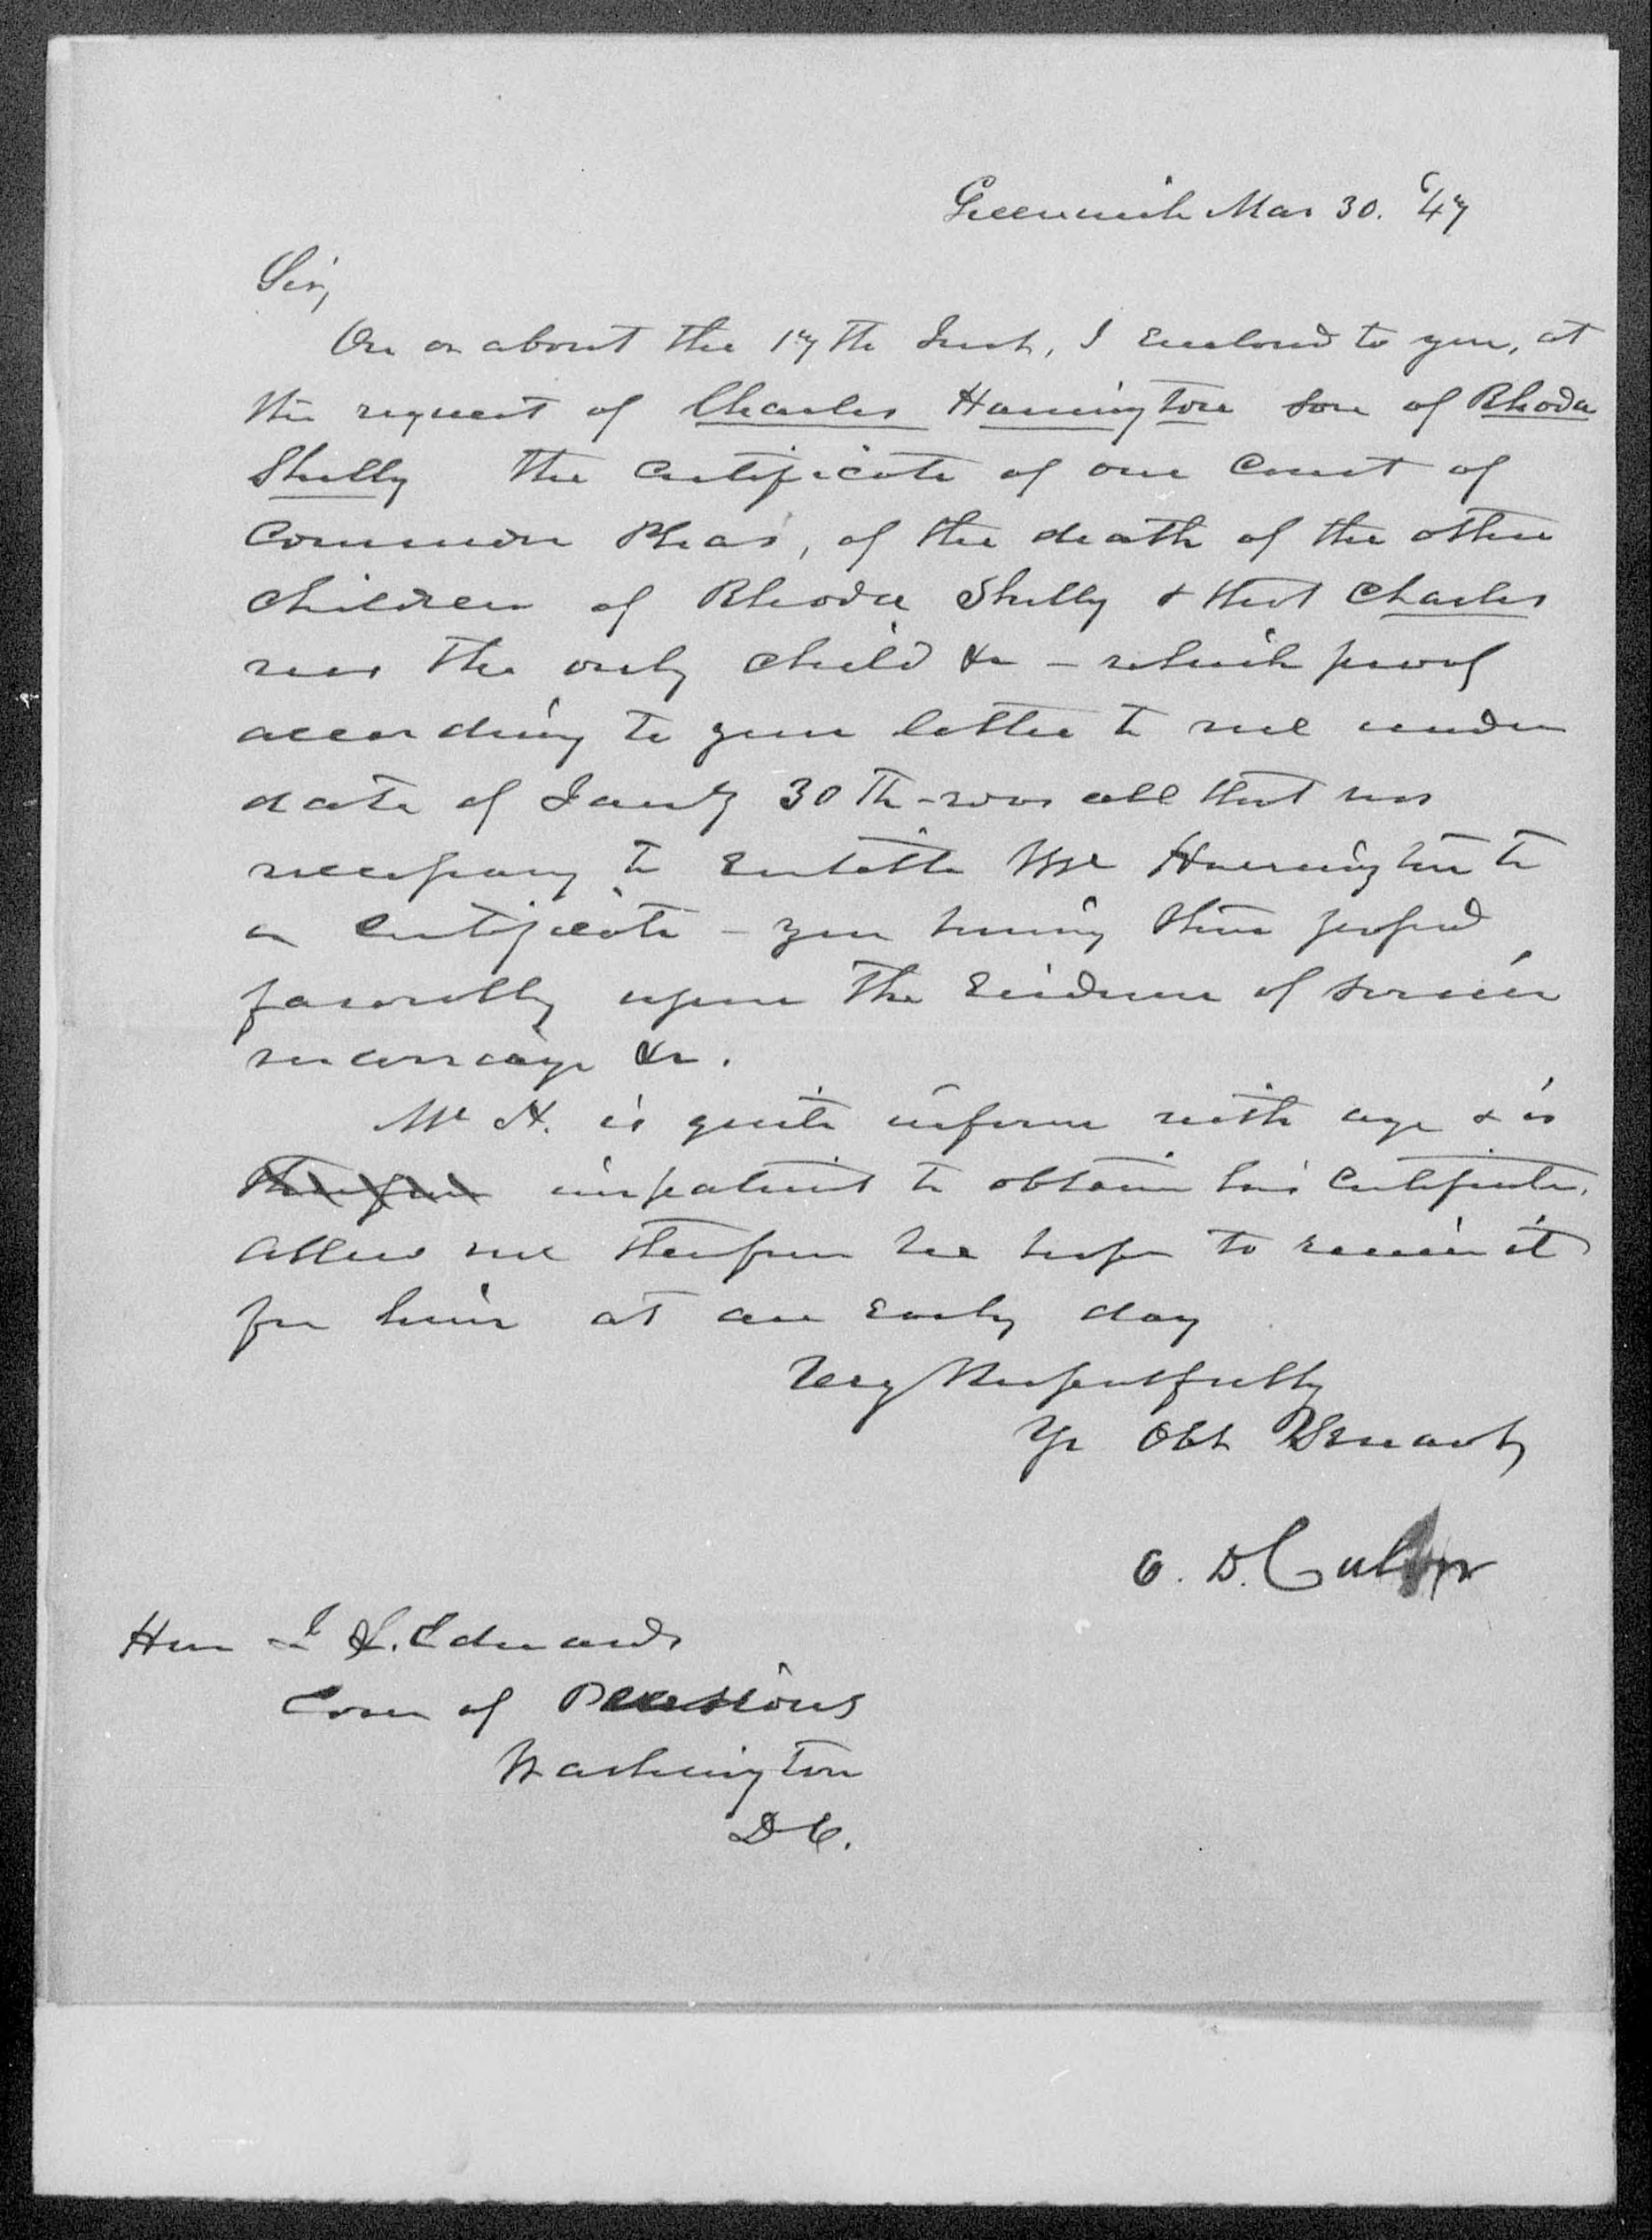Greenwich Mar 30. '47

Sir,
On or about the 17th Jany [January], I enclosed to you, at the request of Charles Harrington son of Rhoda Shelly the certificate of our Court of Common Pleas, of the death of the other children of Rhoda Shelly & that Charles was the only child &c [etc.] - which proof according to your letter I sent under date of Jany [January] 30th - was all that was necessary to entitle Mr. Harrington to a certificate - your having there looked personally upon the Evidence of service marriage &c [etc.].

Mr H. is quite infirm with age & is ["therefore" crossed out] impatient to obtain his certificate. allow me therefore be help to receive it for him at an early day

Very Respectfully
Yr [Your] obt [obedient] Servant
E. D. Culver

Hon. J. L. Edwards
Comm of Pensions
Washington DC.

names: E D Culver, Rhoda Shelby, Charles Harrington, Harrington, H, Rhoda Shelby, J L Edwards, Charles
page: 18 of 51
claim: widow's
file: W. 19,026, Israel Harrington, R.I.